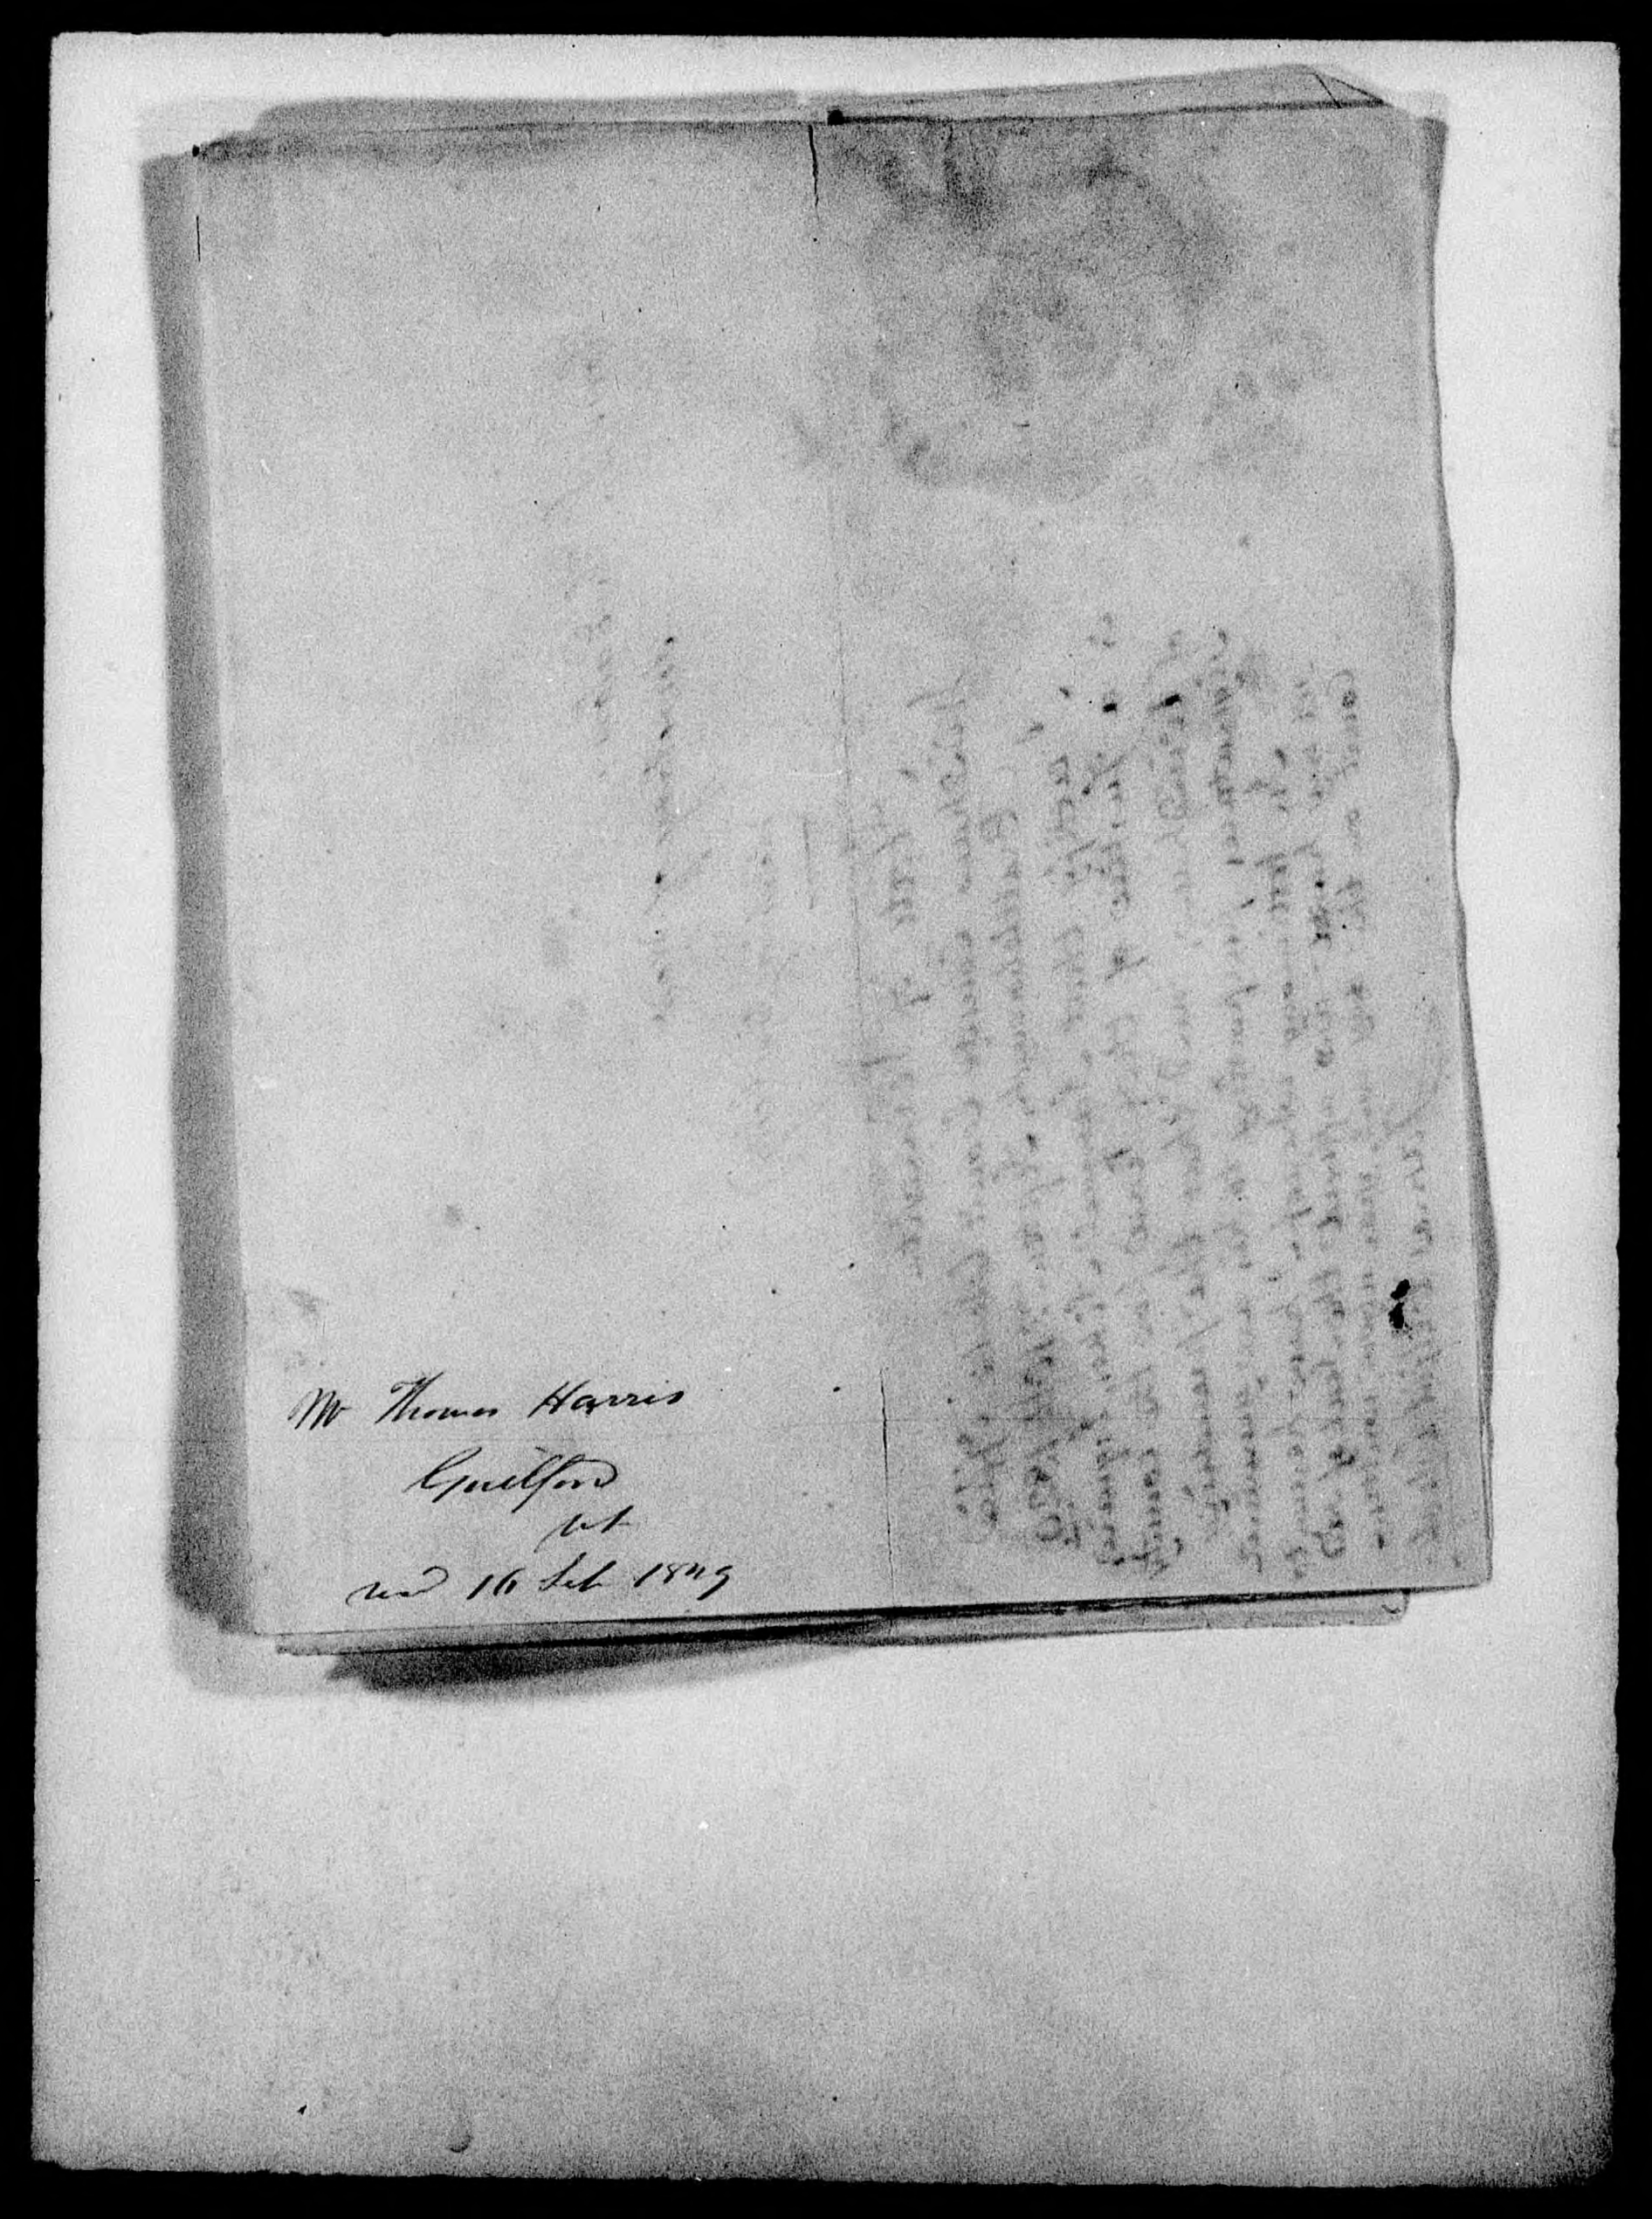Mr Thomas Harris

Guilford Vt
[illegible] 16 Sep 1829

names: Thomas Harris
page: 7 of 16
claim: survivor's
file: S. 38815, Thomas Harris, R.I.